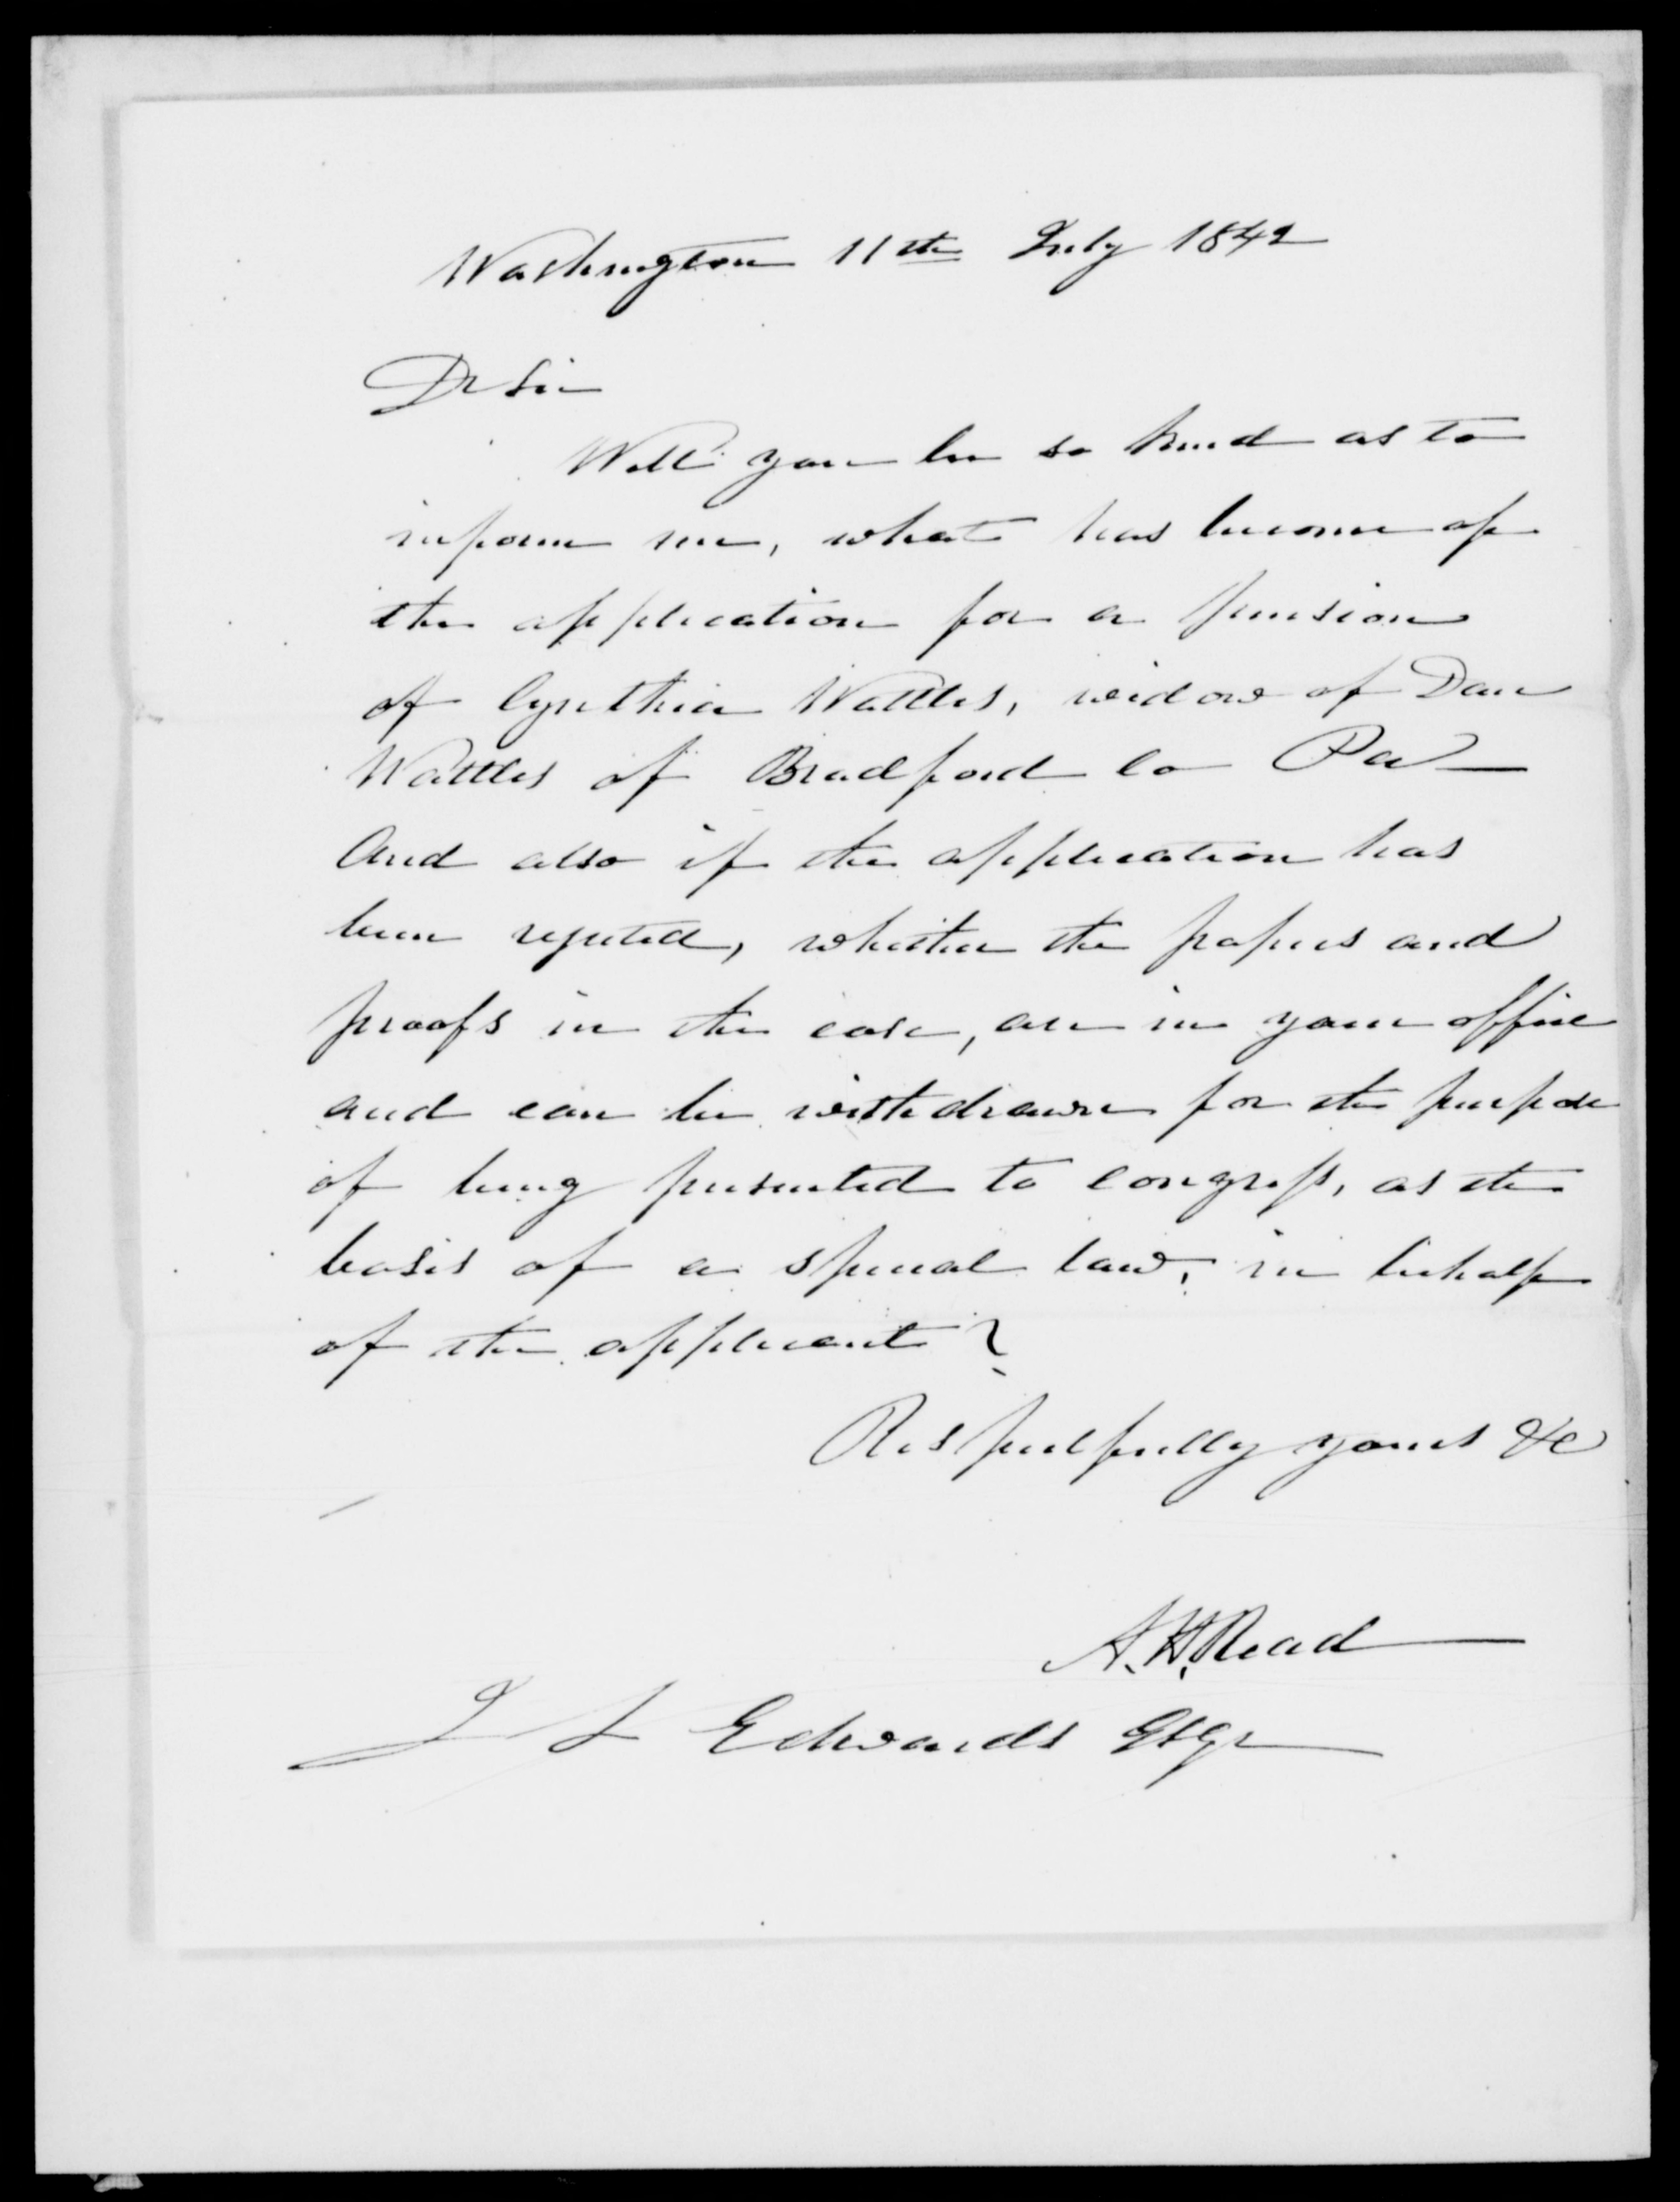Washington 11th July 1842

Dear Sir

Will you be so kind as to inform me what has become of the application for a pension of Cynthia Wattles, widow of Daniel Wattles of Bradford Co. Pa.  And also if the application has been rejected, whether the paper and proofs in the case are in your office and can be withdrawn for the purpose of being presented to Congress, as the basis of a special law in behalf of the applicant?

Respectfully yours  [    ]
A. H. Read

J L Edwards Esq.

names: Cynthia Wattles, J L Edwards, Dan Wattles, A H Read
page: 31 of 70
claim: widow's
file: W. 3743, Dan Wattles, Conn.